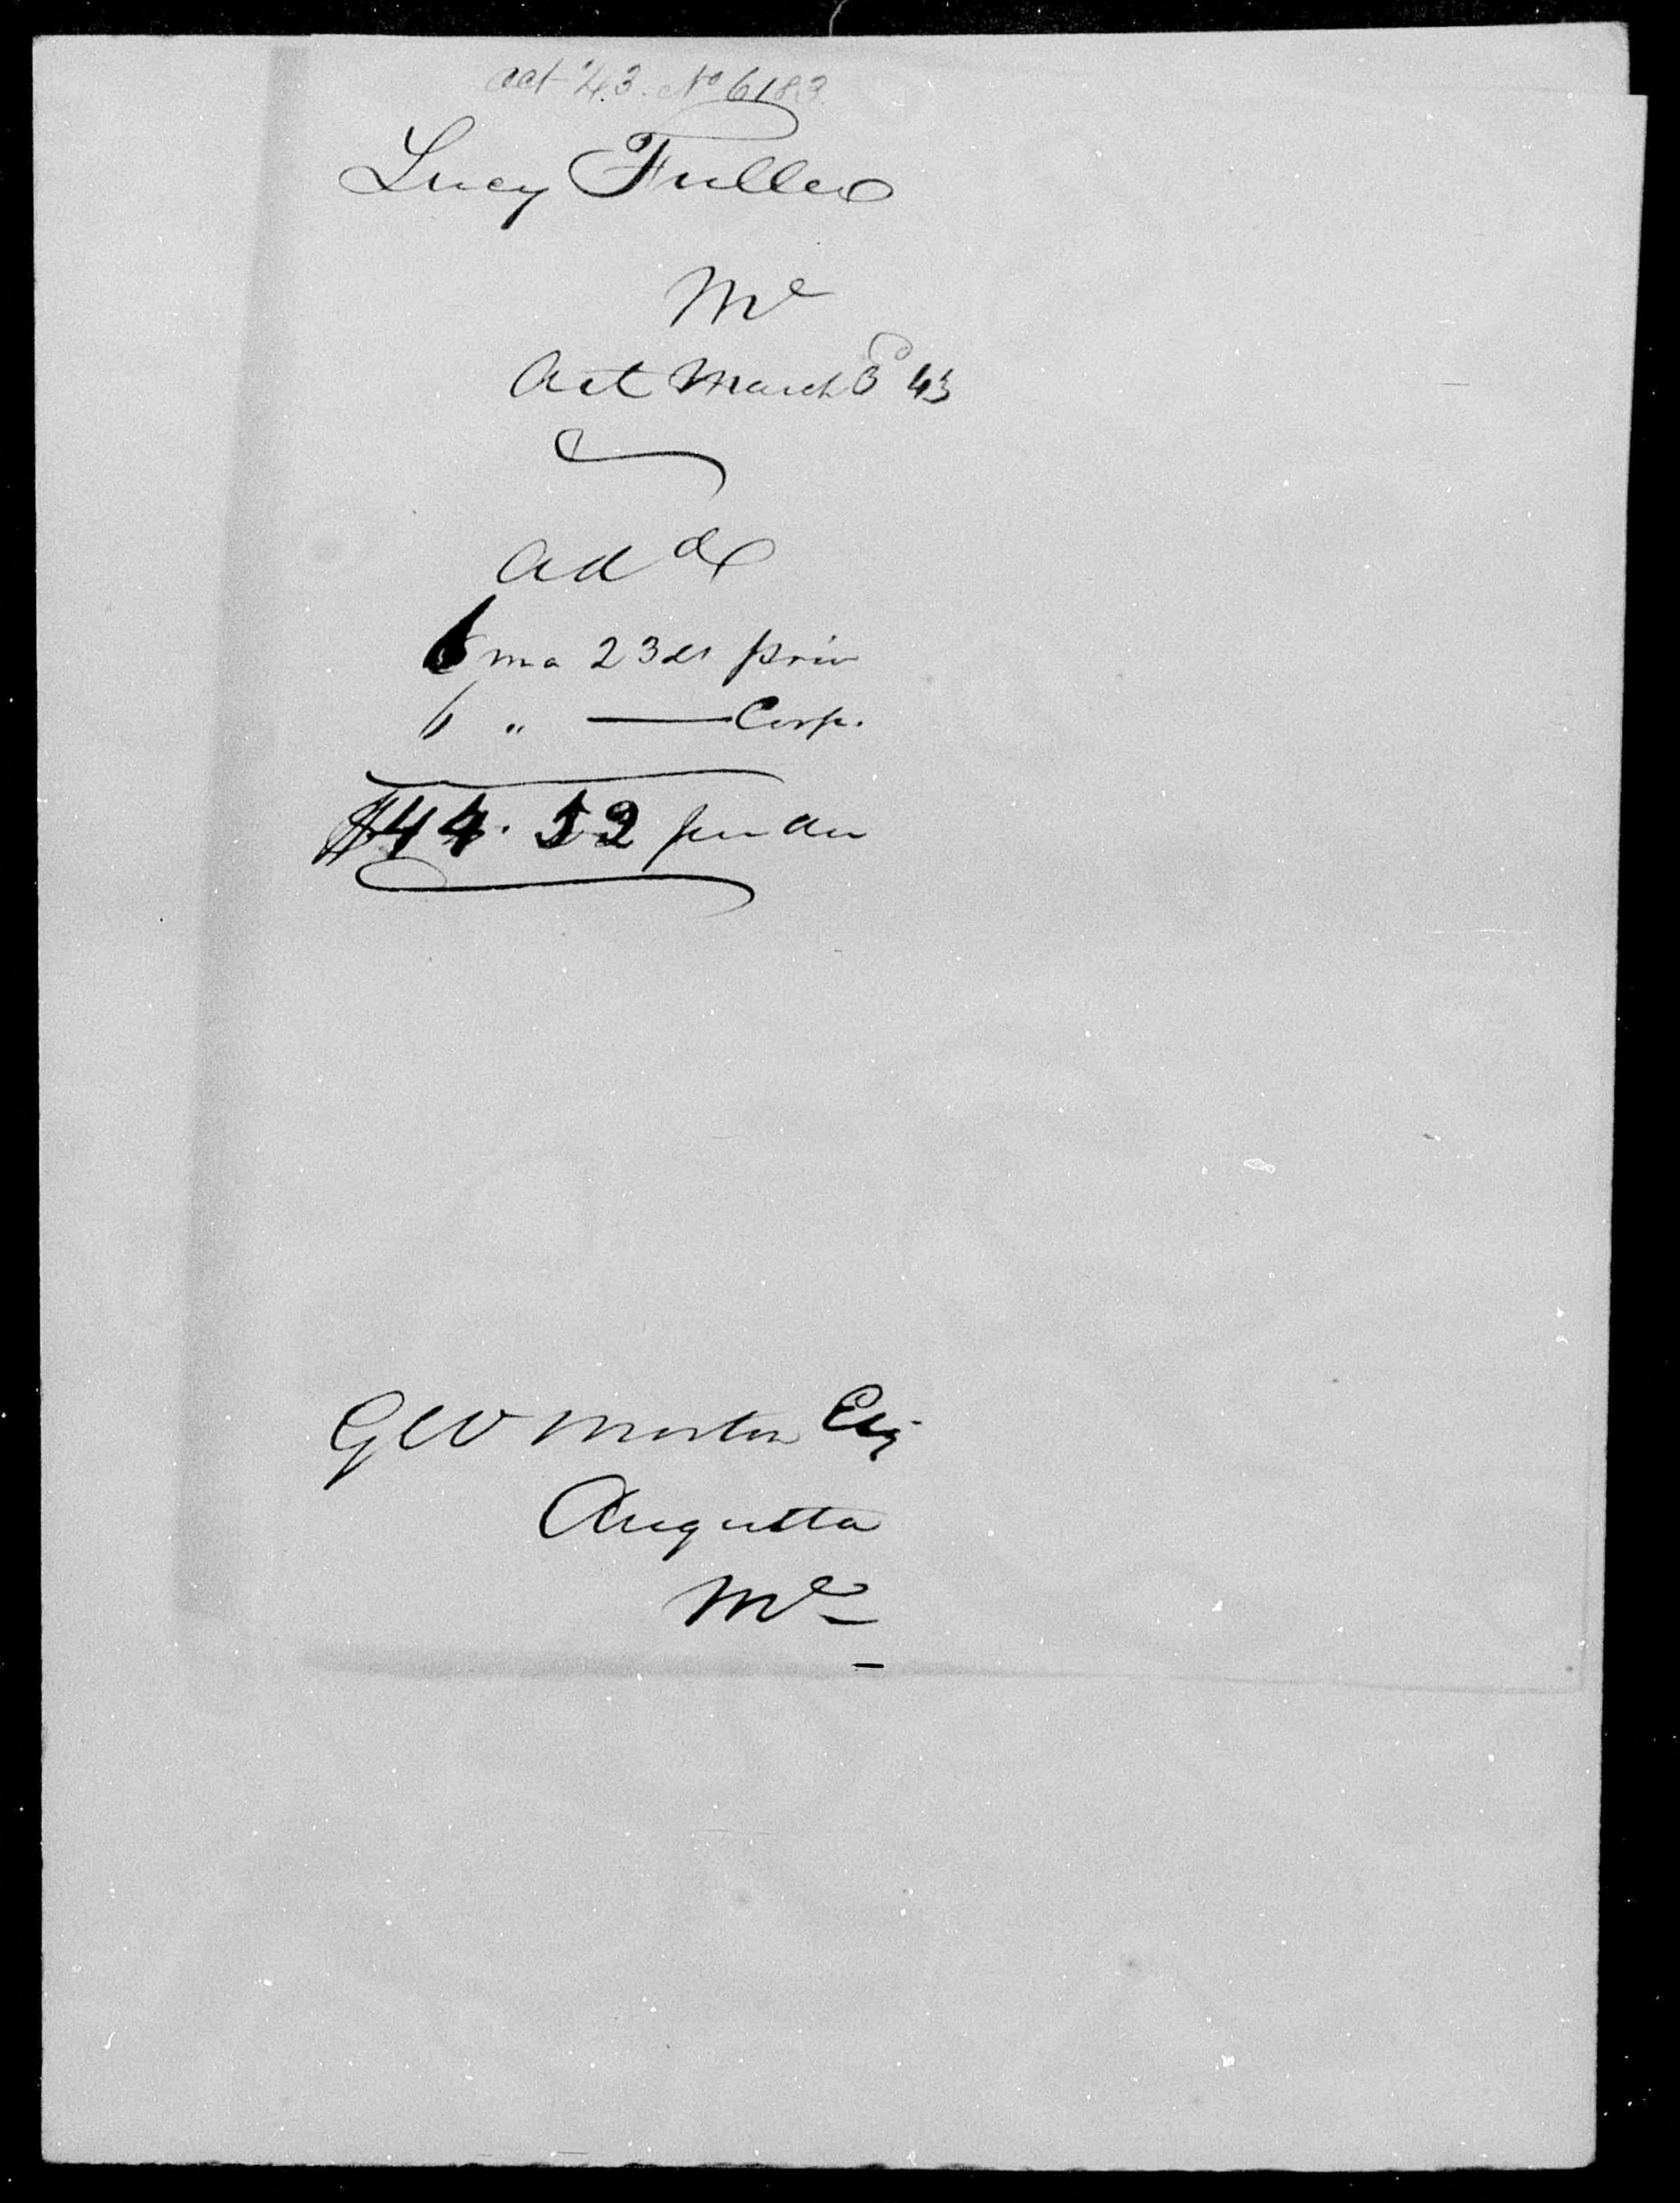Act ‘43 No 6183.
Lucy Fuller
Me.
Act March 3rd 43
Ad’d
6 mo 23 ds Priv
6  “  ---Corp.
$44.52 per an

GW Morton Esq
Augusta
Me._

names: G W Morton, Lucy Fuller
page: 20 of 45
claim: widow's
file: W. 17933, William Fuller, Mass